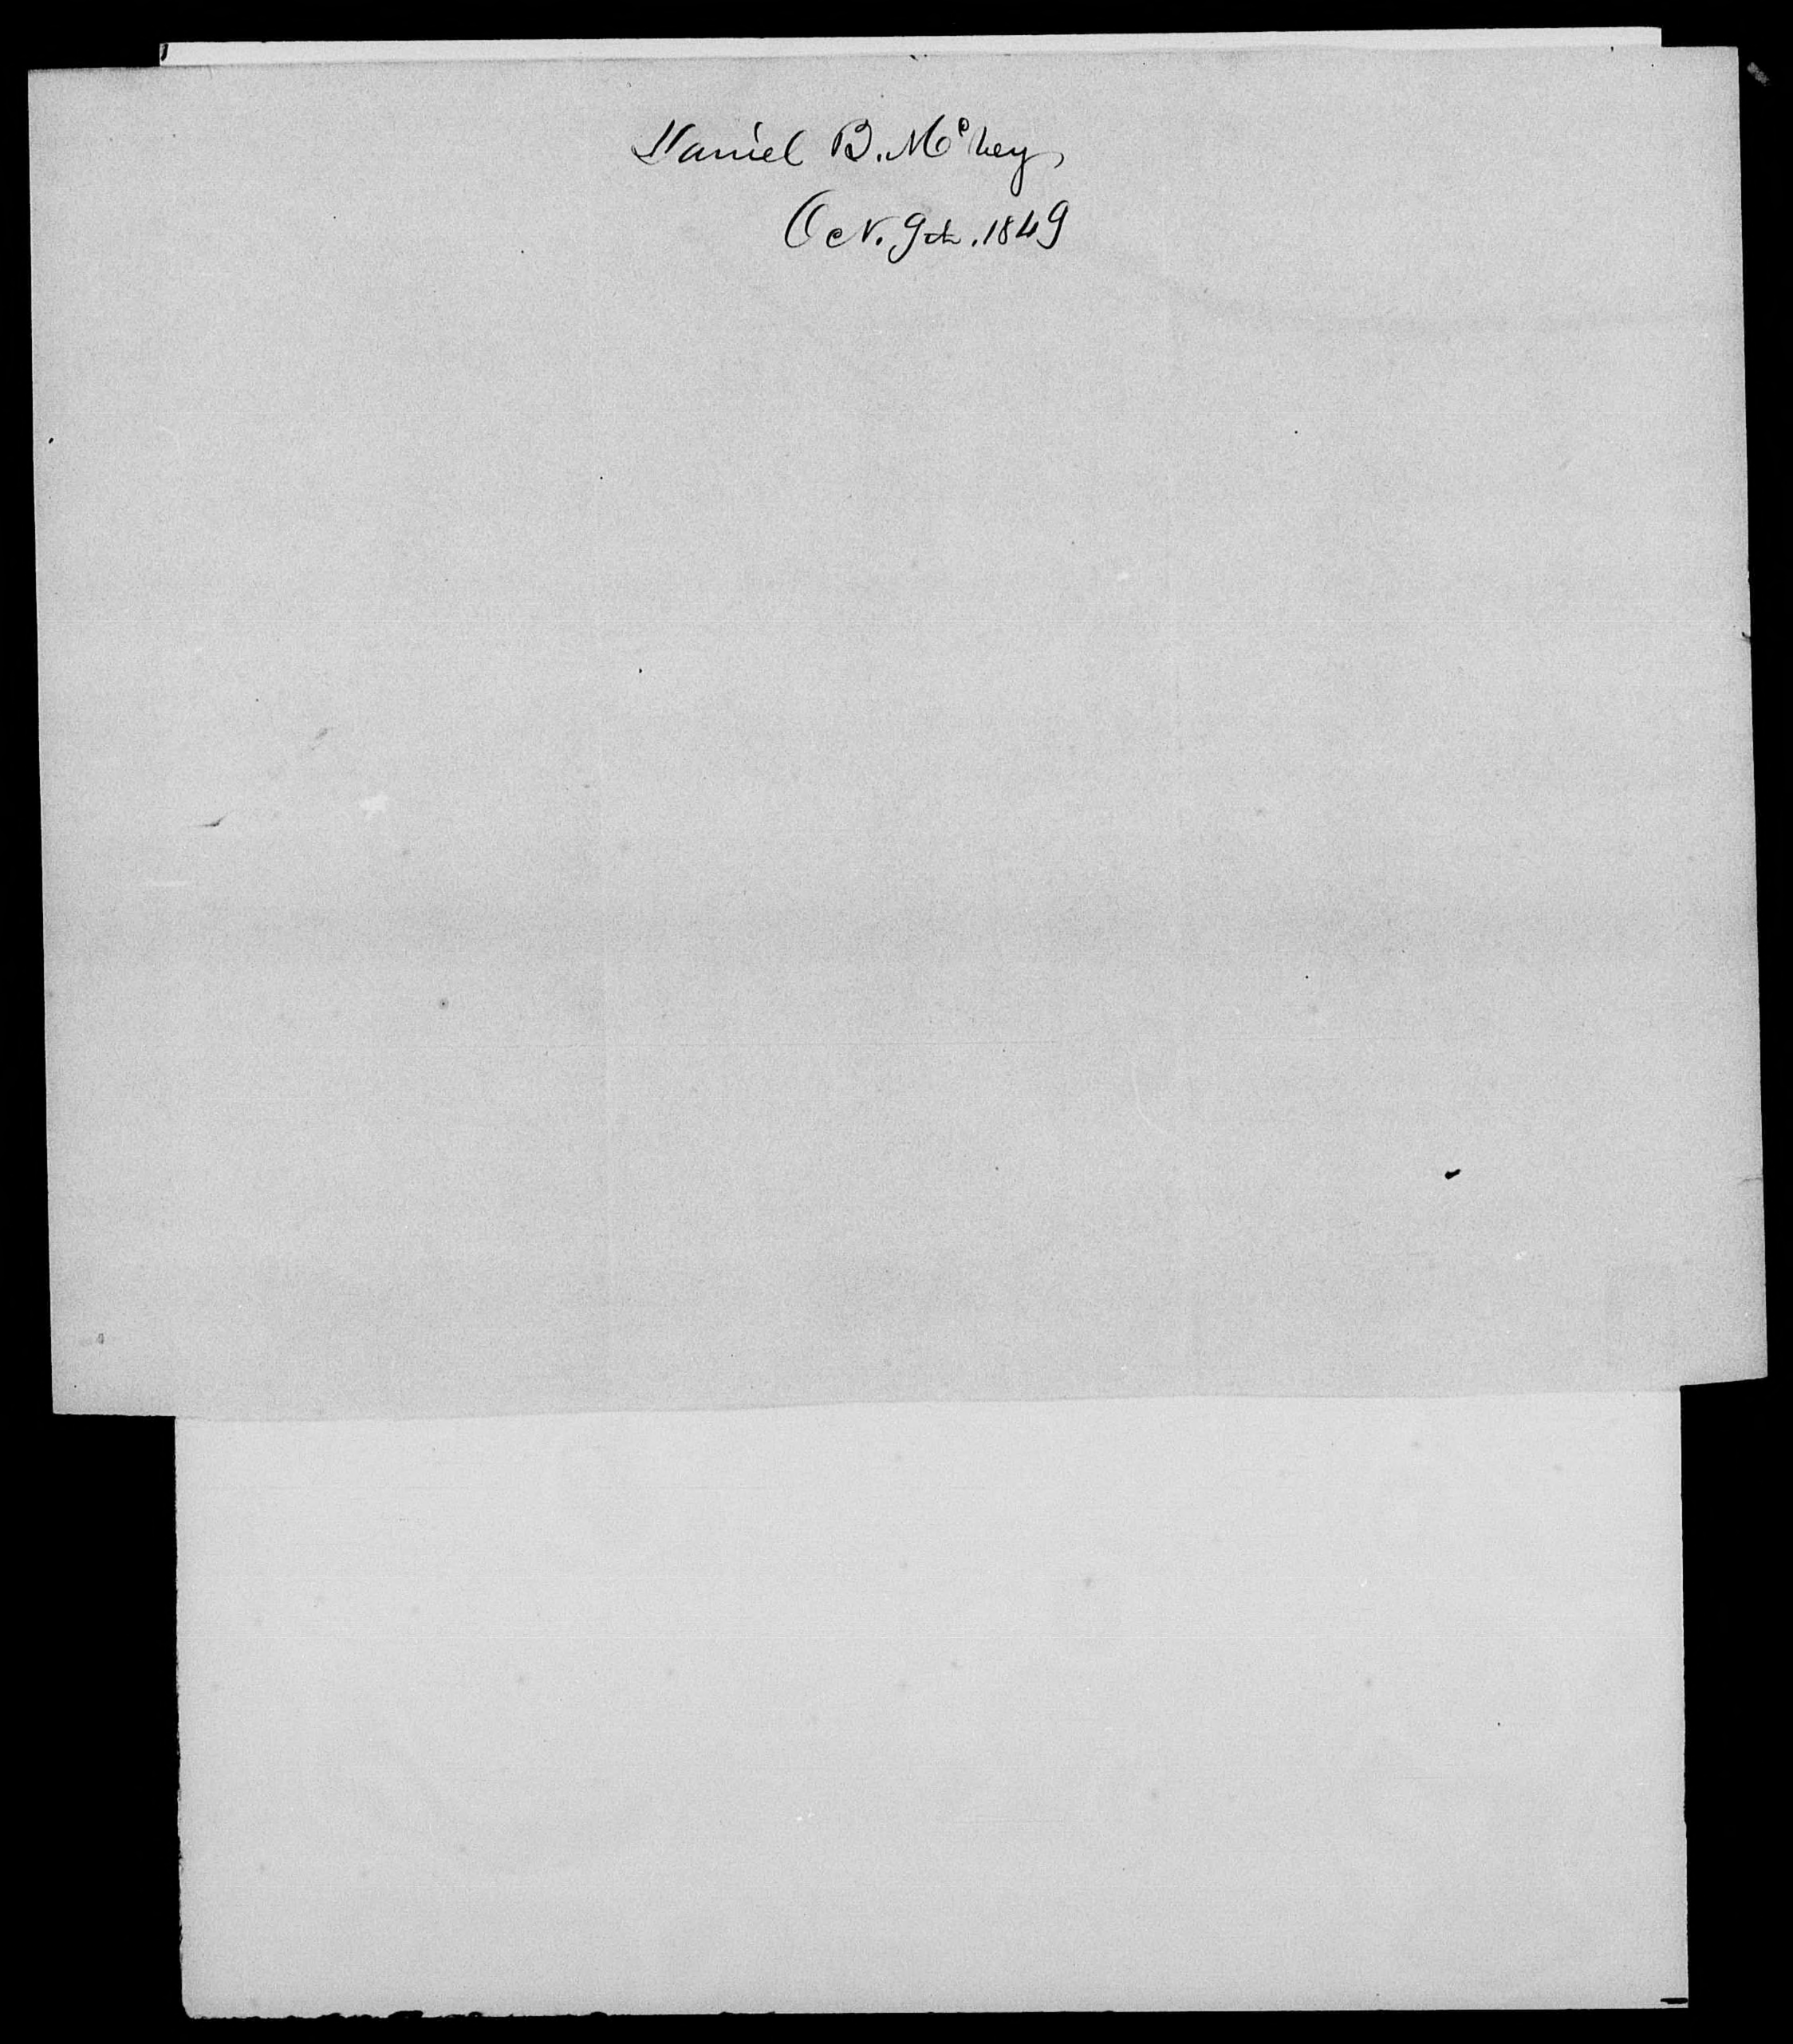Daniel B. McVey
Oct. 9th 1849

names: Daniel B Mc Vey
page: 34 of 81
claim: survivor's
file: S. 1908, Richard Harper, N.C.